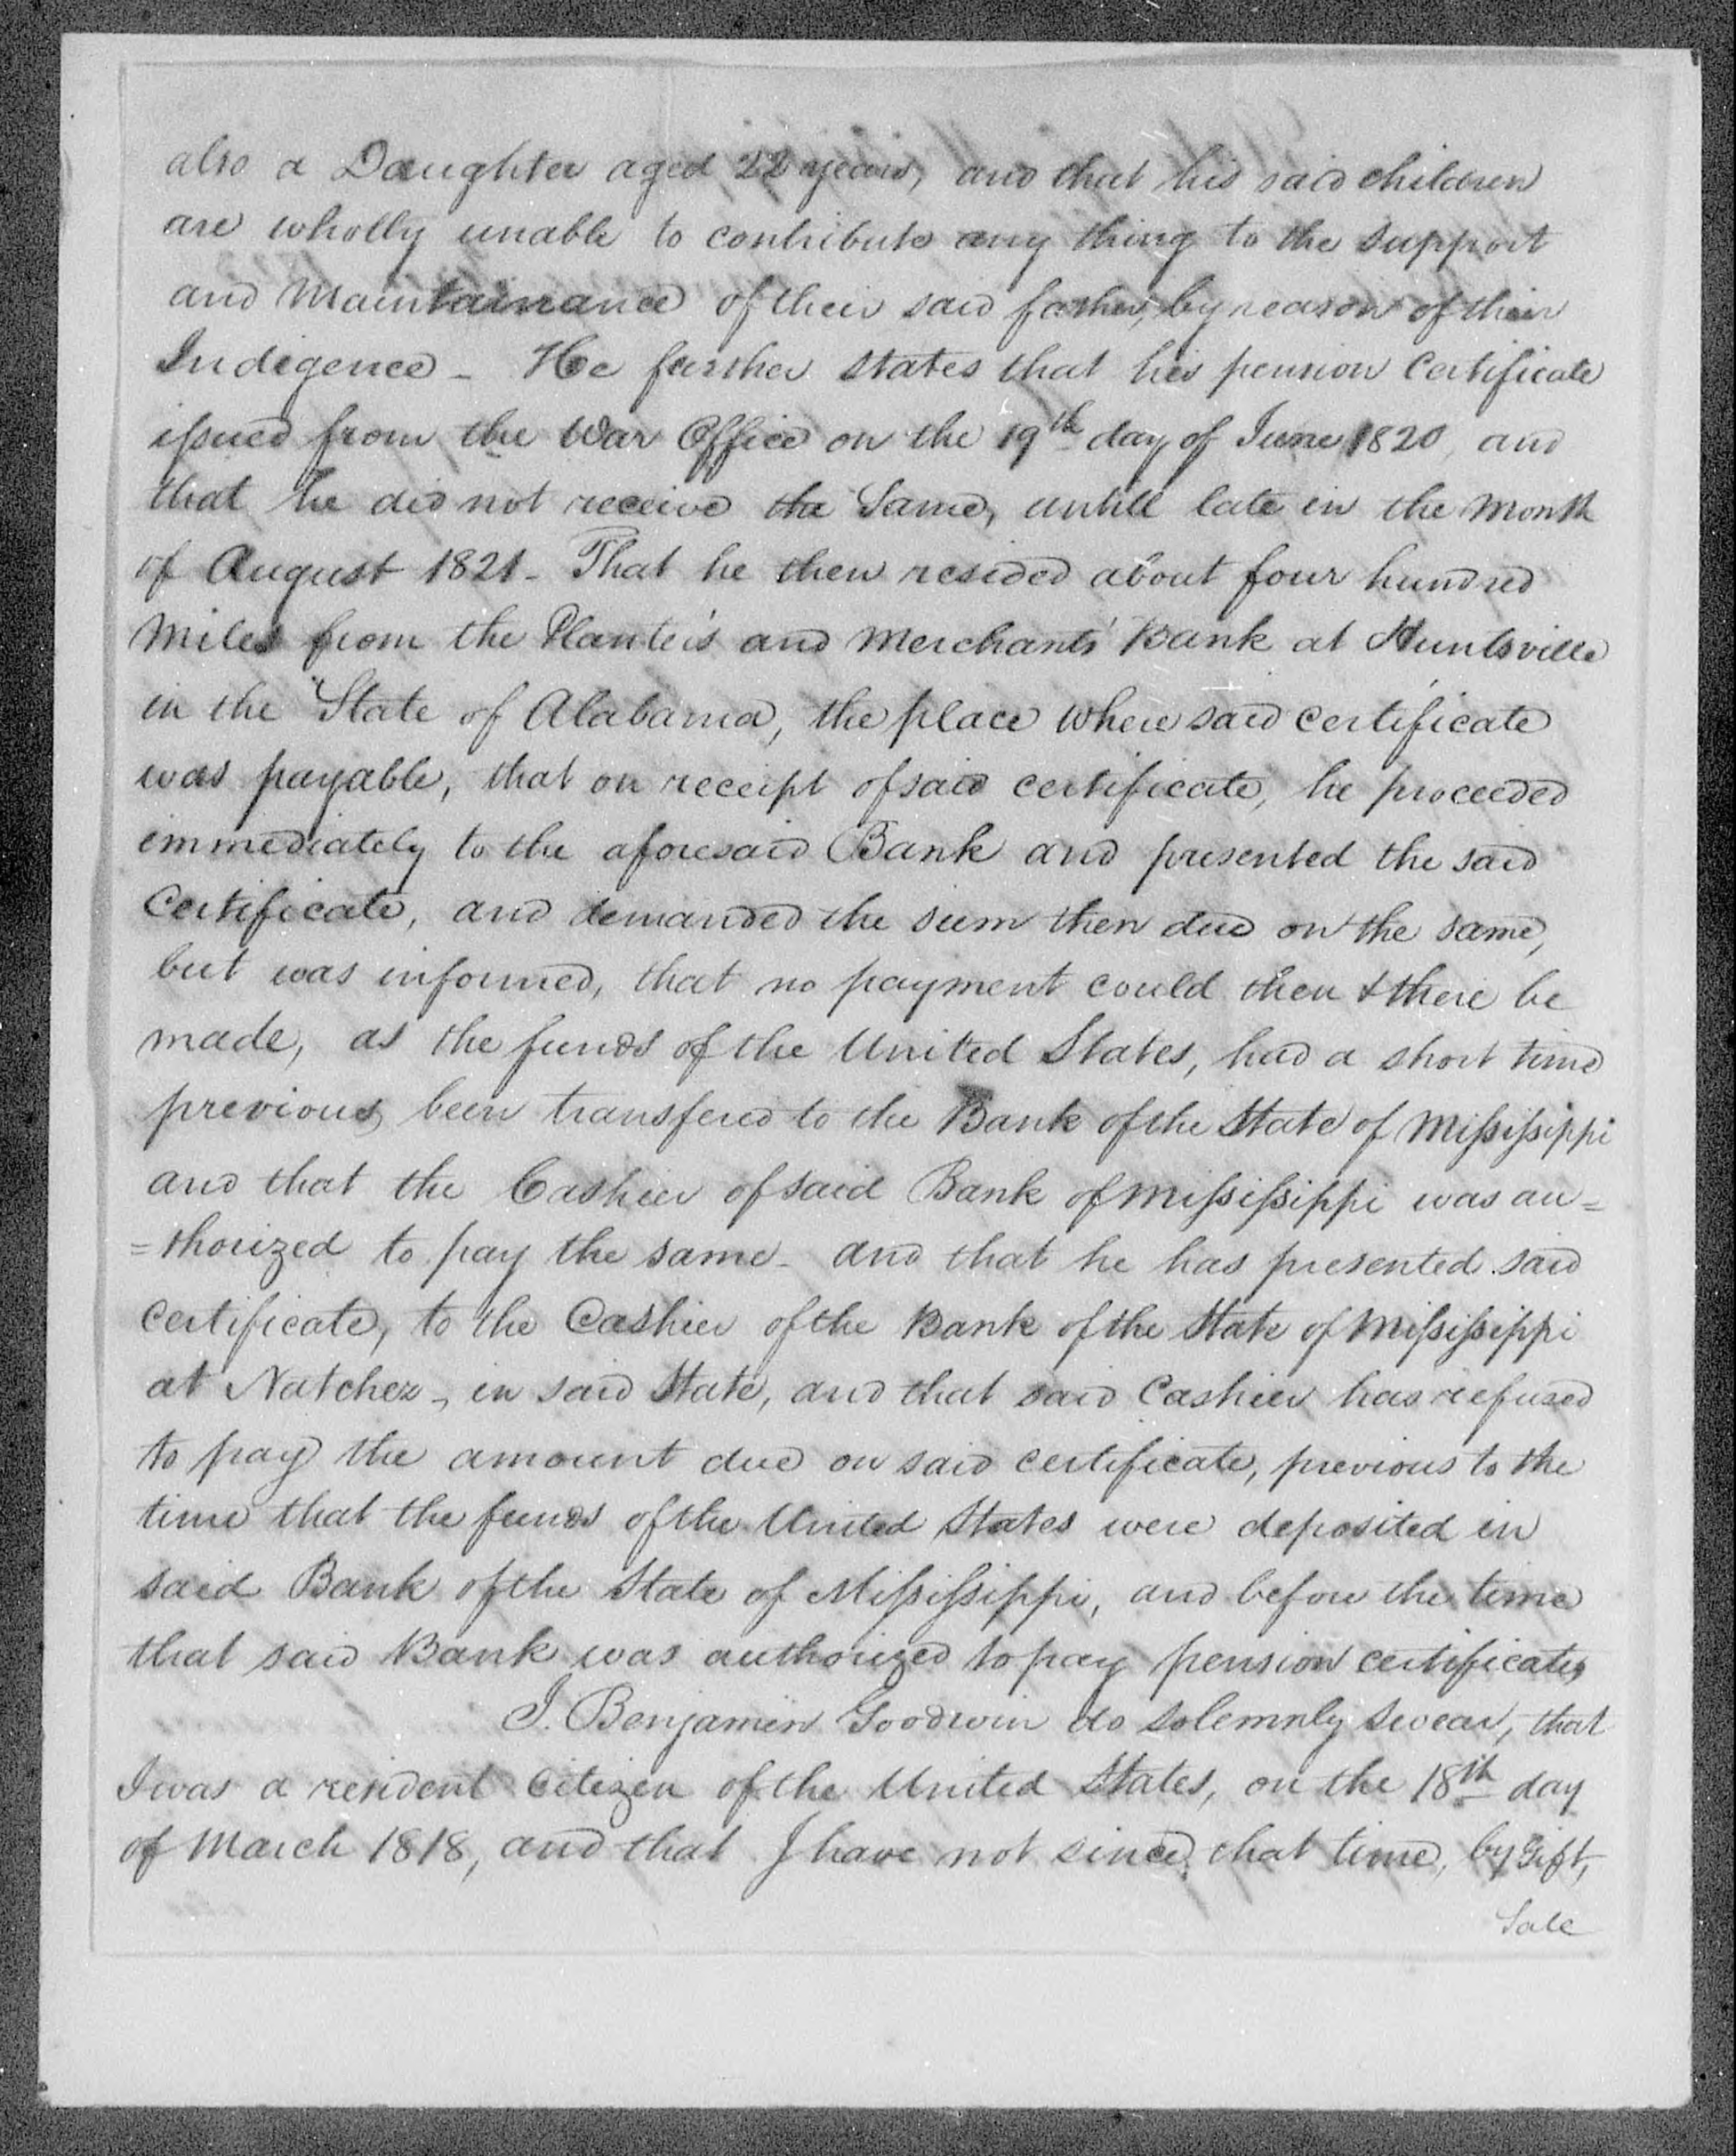also a Daughter aged 22 years and that his said children are wholly unable to contribute any thing to the support and maintenance of their said father, by reason of their Indigence - He further states that his pension certificate issued from the War Office on the 19th day of June 1820 and that he did not receive the Same, untill late in the month of August 1821. That he then resided about four hundred miles from the Planter's and Merchant's Bank at Huntsville in the State of Alabama, the place where said certificate was payable, that on receipt of said certificate, he proceeded immediately to the aforesaid Bank and presented the said certificate, and demanded the sum then due on the same, but was informed, that no payment could then & there be made, as the funds of the United States, had a short time previous, been transfered to the Bank of the State of Mississippi and that the Cashier of said Bank of Mississippi was authorized the pay the same.  and that he has presented said certificate, to the Cashier of the Bank of the State of Mississippi at Natchez - in said State, and that said Cashier has refused to pay the amount due on said certificate, previous to the time that the funds of the United States were deposited in said Bank of the State of Mississippi, and before the time that said Bank was authorized to pay pension certificate.
I, Benjamin Goodwin do solemnly swear, that I was a resident citizen of the United States, on the 10th day of March 1818, and that I have not since that time by Gift, Sale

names: Benjamin Goodwin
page: 9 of 24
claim: survivor's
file: S. 34903, Benjamin Goodwin, Va.